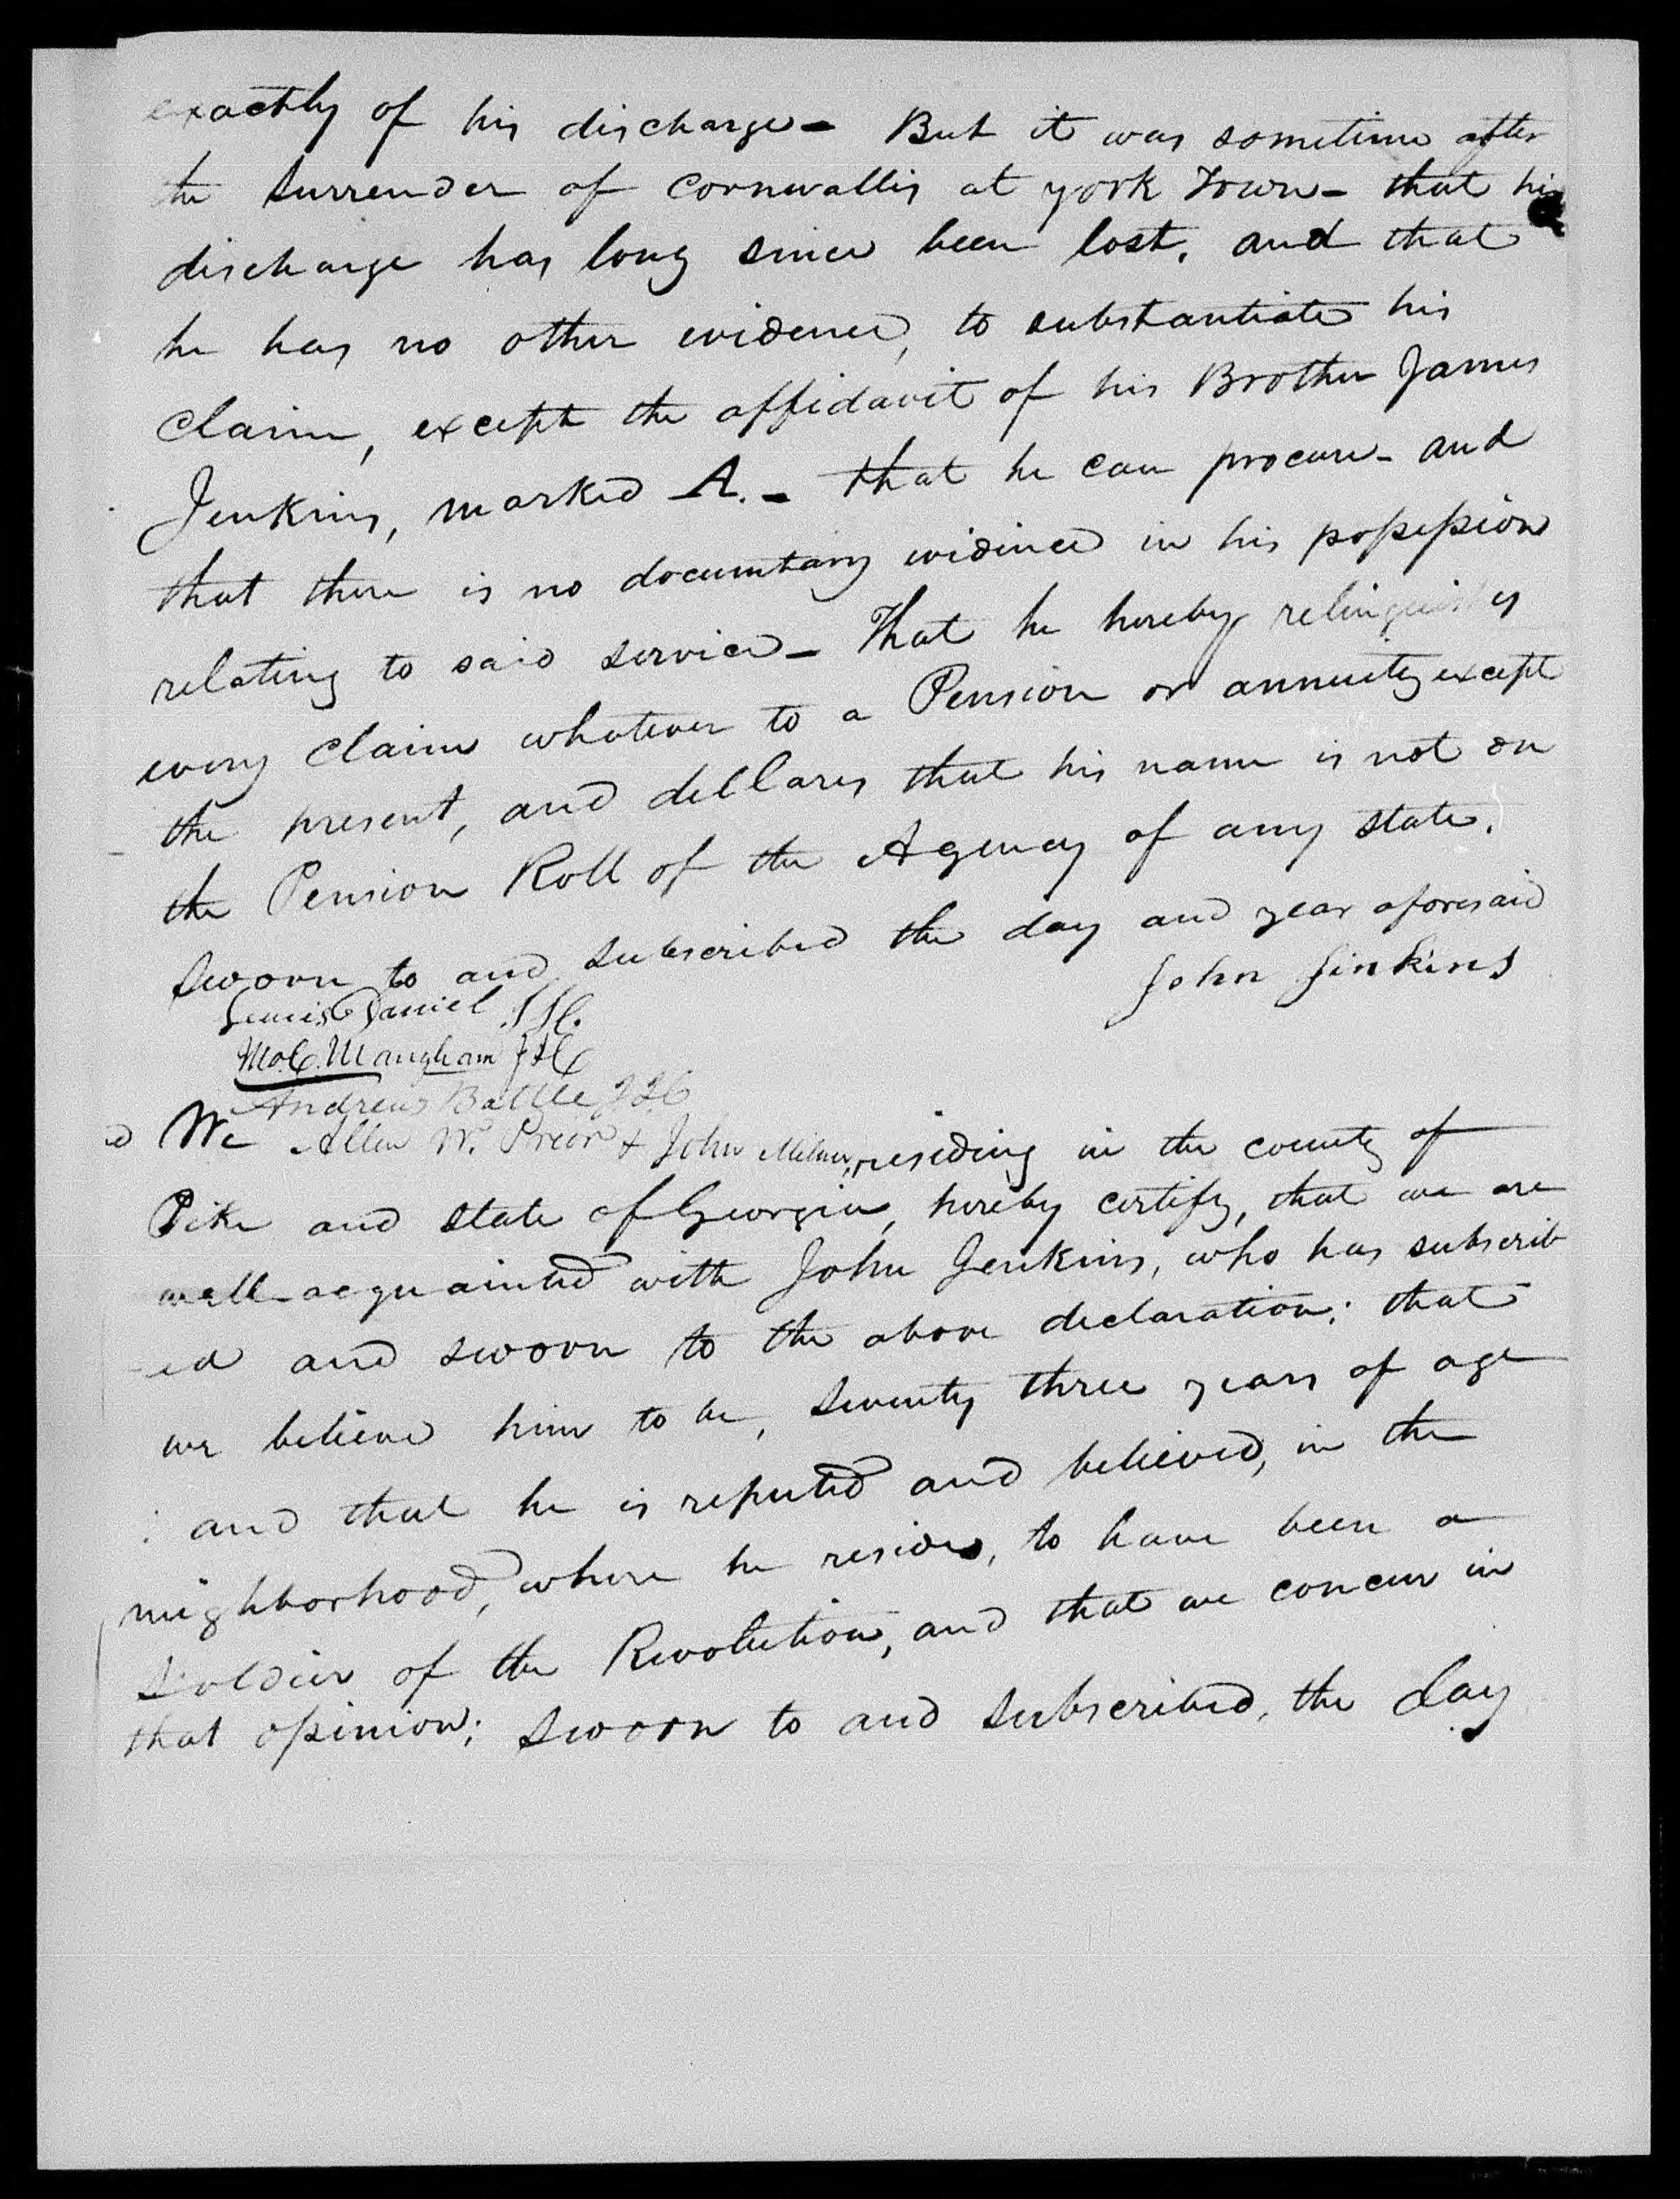exactly of his discharge  But it was sometime after the surrender of Cornwallis at York Town  that his discharge has long since been lost, and that he has no other evidence, to substantiate his claim, except the affidavit of his Brother James Jenkins, marked A. that he can procure and that there is no documentary evidence in his possession relating to said service. That he hereby relinquishes every claim whatever to a
Pension or annuity except the present, and declares that his name is not on the Pension Roll of the Agency of any state. Sworn to and subscribed the day and year aforesaid
John Jinkins [John Jenkins]
Lewis Daniel JJC
John Linkins JJC
Mo. C. Mangham JJC
Andrews Battle JJC
We Allen W. Prior & John Milner residing in the County of Pike and State of Georgia, hereby certify, that we are well acquainted with John Jenkins, who has subscribed and sworn to the above declaration: that we believe him to be, seventy three years of age and that he is reputed and believed, in the neighborhood, where he resides, to have been a soldier of the Revolution, and that we concur in that opinion. Sworn to and subscribed, the day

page: 7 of 55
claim: widow's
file: W. 7894, for John Jenkins, Virginia